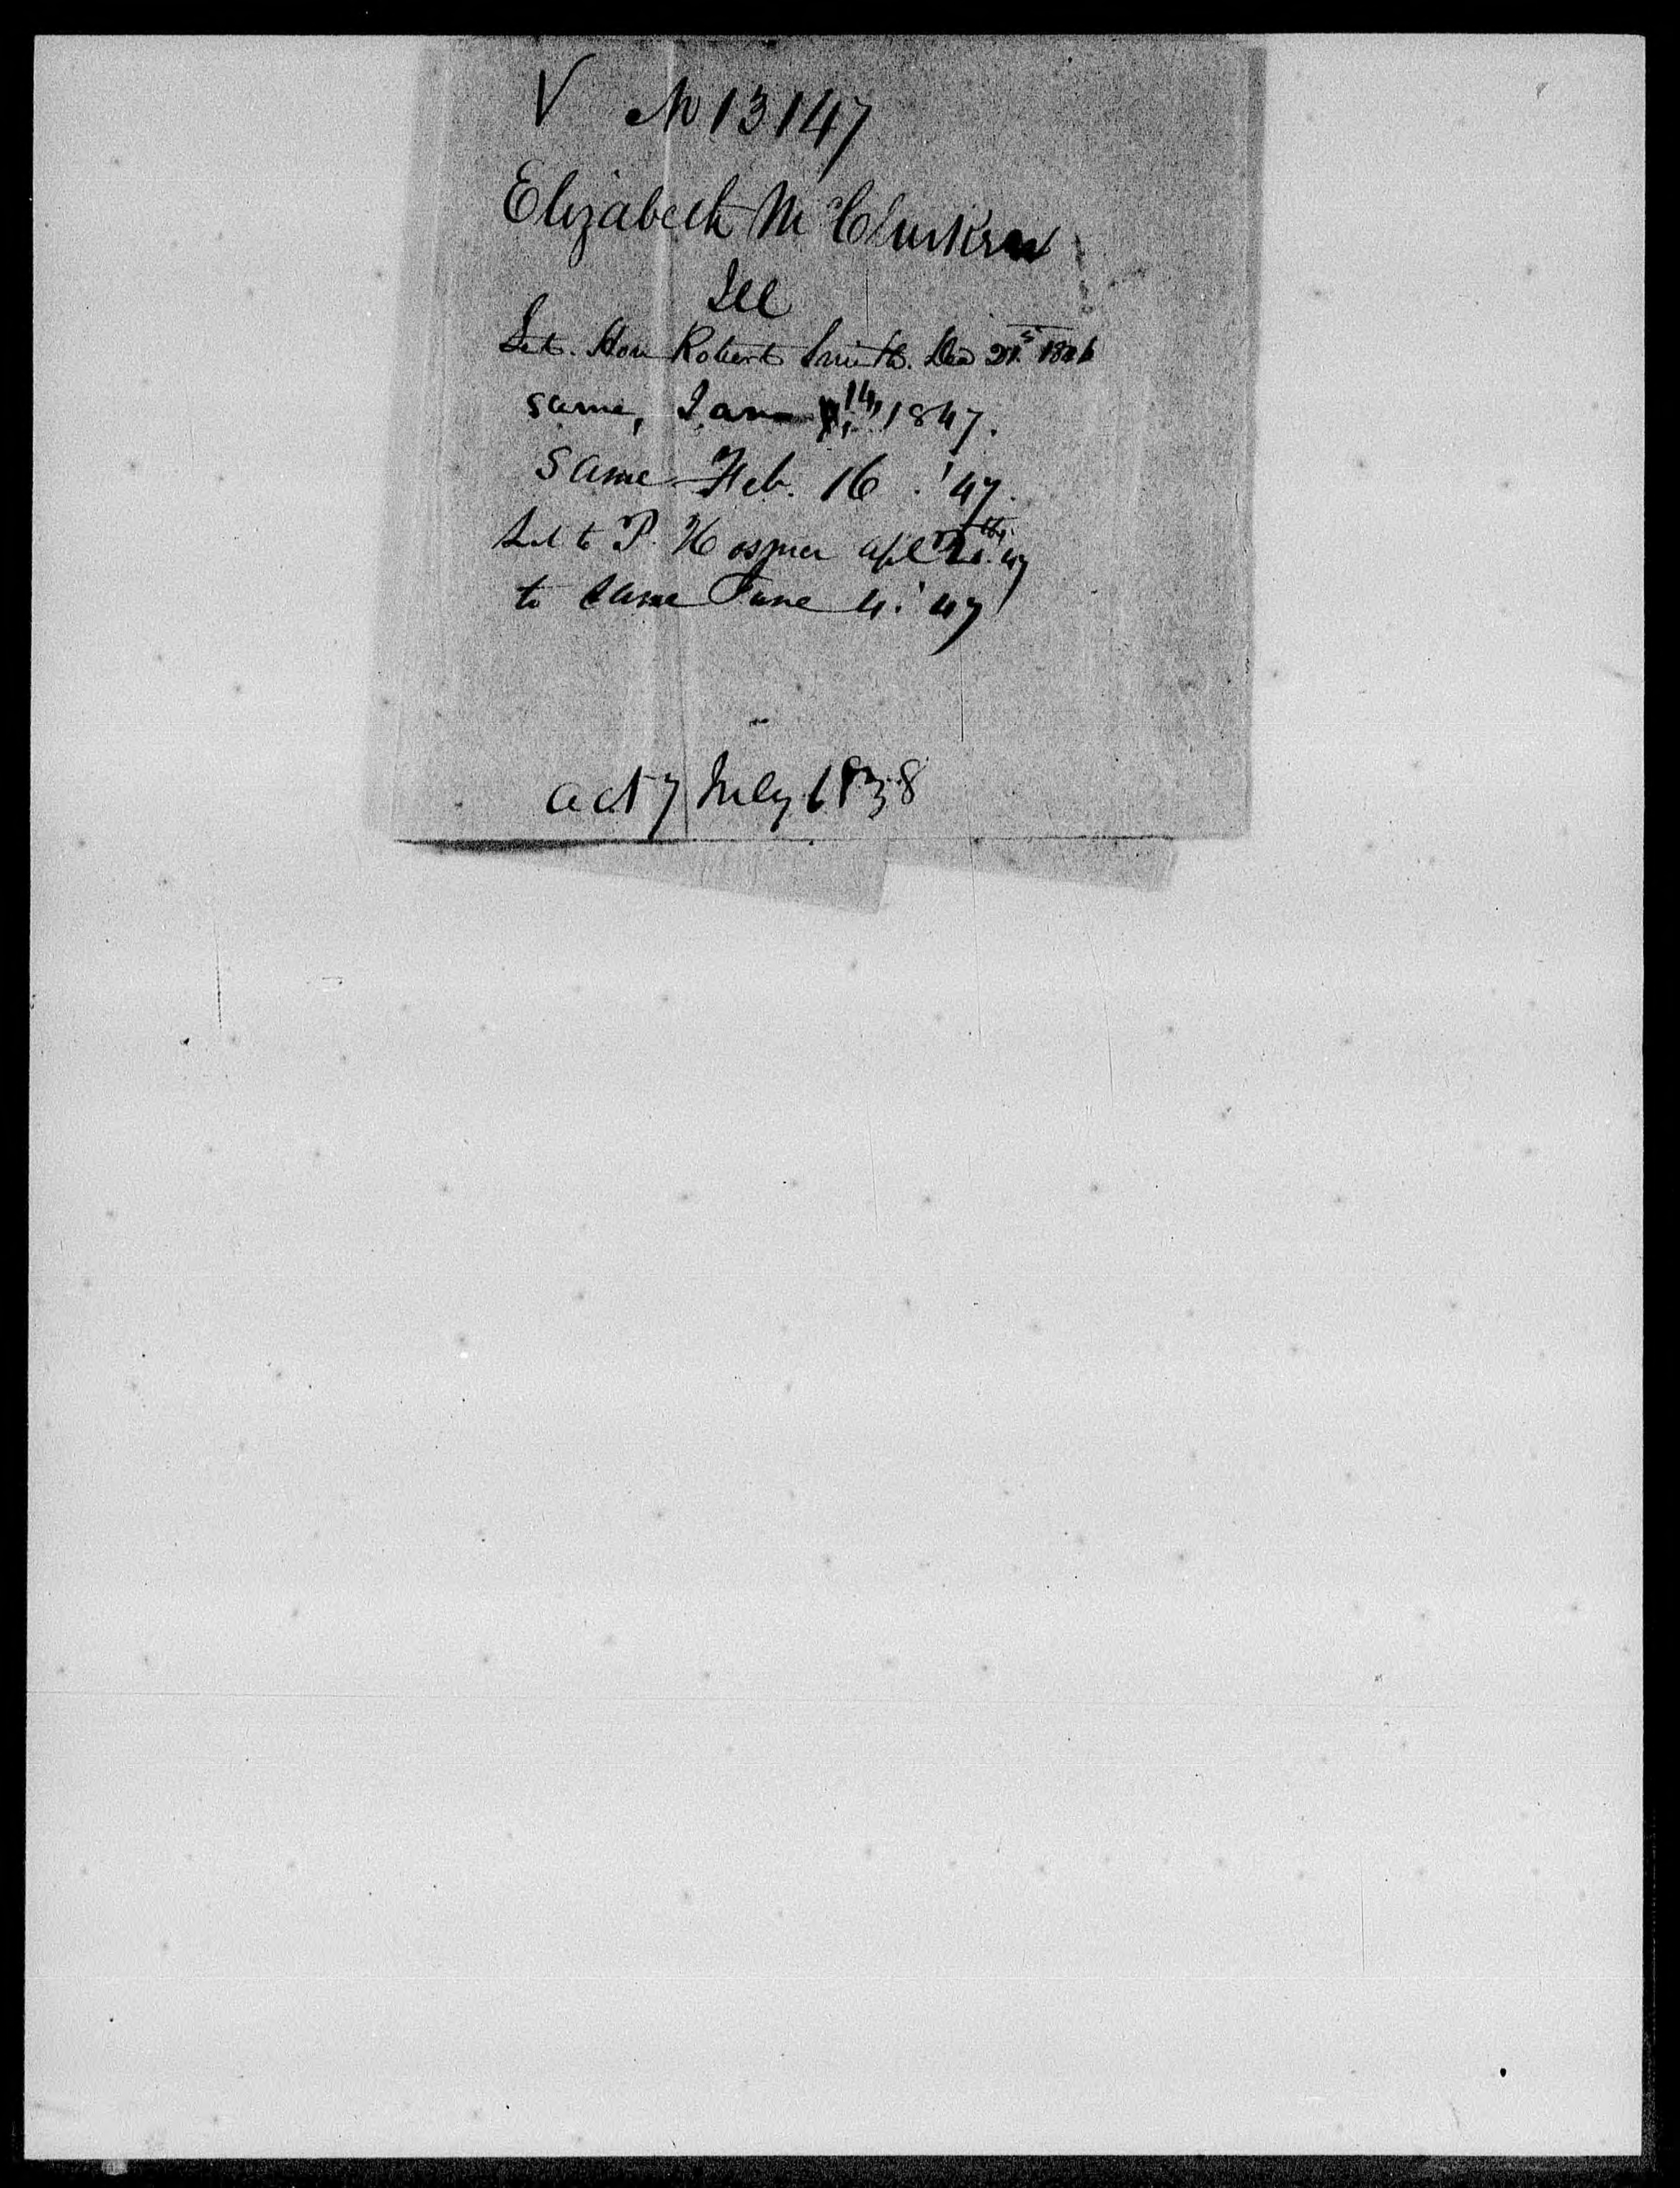V No 13147
Elizabeth McClurken
Set. Hon. Robert [unintelligible] Dec. 21 1831
Same Jan 14, 1847
Same Feb. 16, '47
Set to P.Hosmer April 20th, '47
to same June 4, '47


Act 7 July 1938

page: 26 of 93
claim: widow's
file: W. 21792, for Thomas Mc Clurken, South Carolina